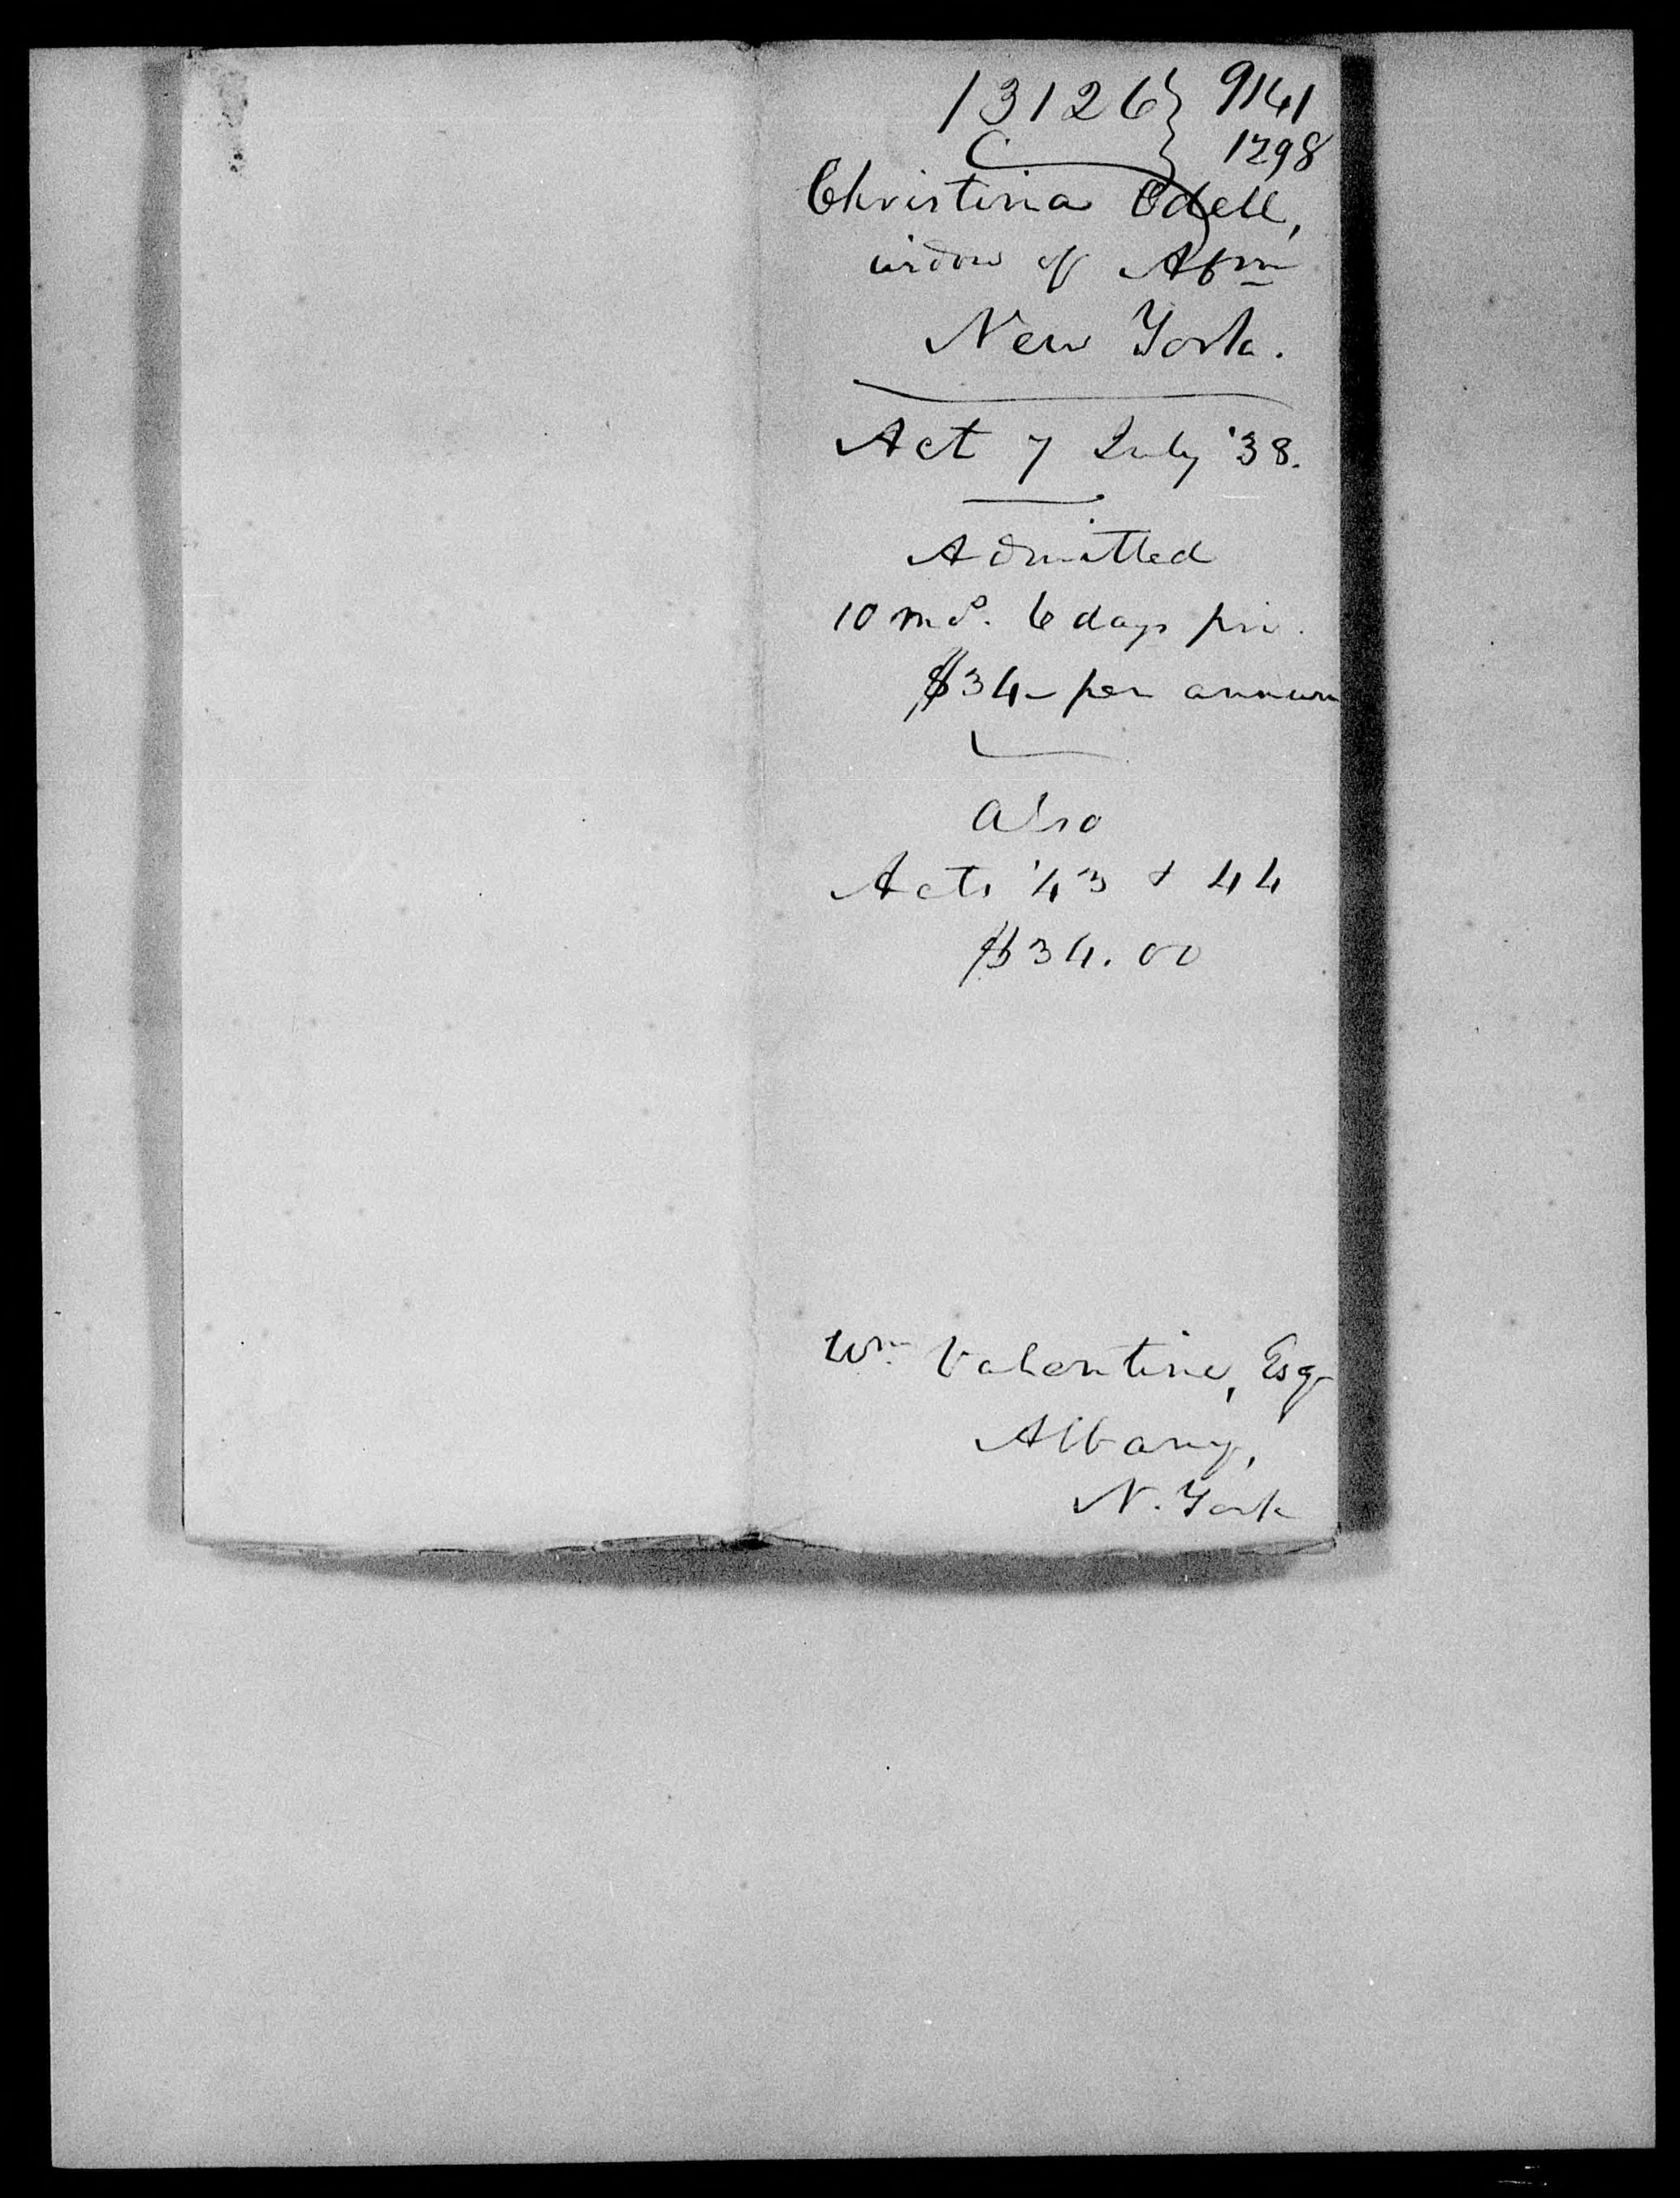13126 } 9141 1298
-----
Christina Odell widow of Abm. 
New York.
---------- 
Act 7 July '38
-----
Admitted 10 mos. 6 days pri. $34 - per annum
-----
Also Acts '43 & 44 $34.00
Wm. Valentine, Esq  Albany. N. York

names: Wm Valentine; Christina Odell; Abm Odell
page: 3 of 19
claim: widow's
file: W. 24363, for Abraham Odell, New York